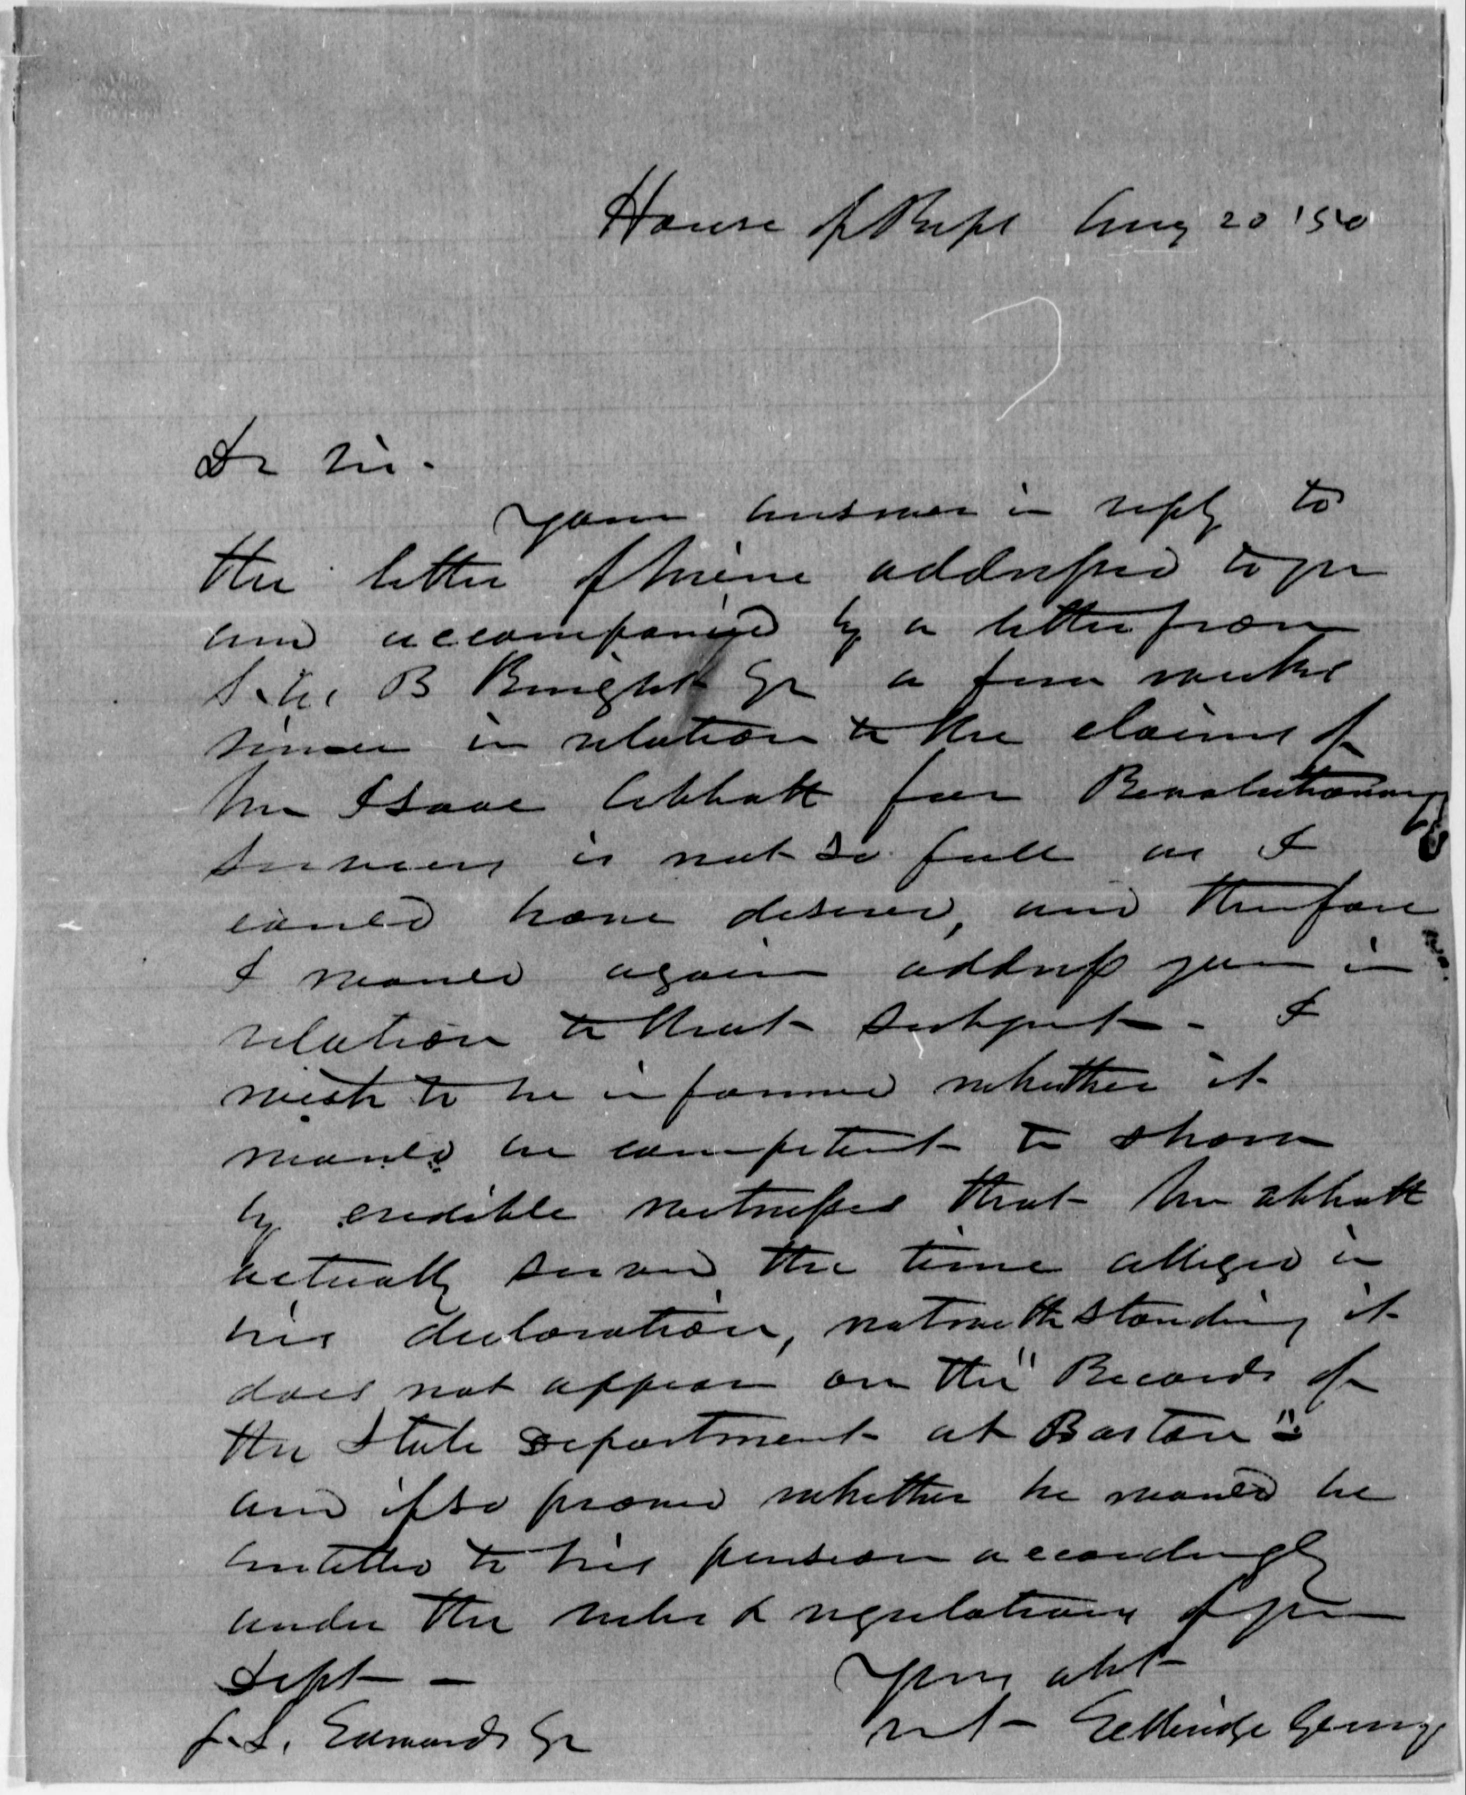House of Reps, Aug 20, '56

Dear Sir,
I am honored in reply to the letter of mine addressed to you and accompanied by a letter from S. H. B. Knight, Esq. a form makes [illegible] in relation to the claim of Mr. Isaac Abbott for Revolutionary Services is not too full as I examined [illegible] deserve and therefore I named again adding you in relation to Mark Shepard - I wish to be informed me further, it named me competent to those by credible witnesses that he would actually served the time alleged in his declaration, not with standing, it does not appear on the "Records of the State Department at Boston," and if so found whether he named the [illegible] to his pension according under the number + regulations aforesaid Sept.-
Your ob't
sv't [SIGNED: Elbridge Gerry]

J. L. Edwards, Esq.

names: S H B Knight, J L Edwards, Isaac Abbott, Elbridge Gerry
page: 72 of 86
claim: survivor's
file: S 29,568, Isaac Abbot, Mass